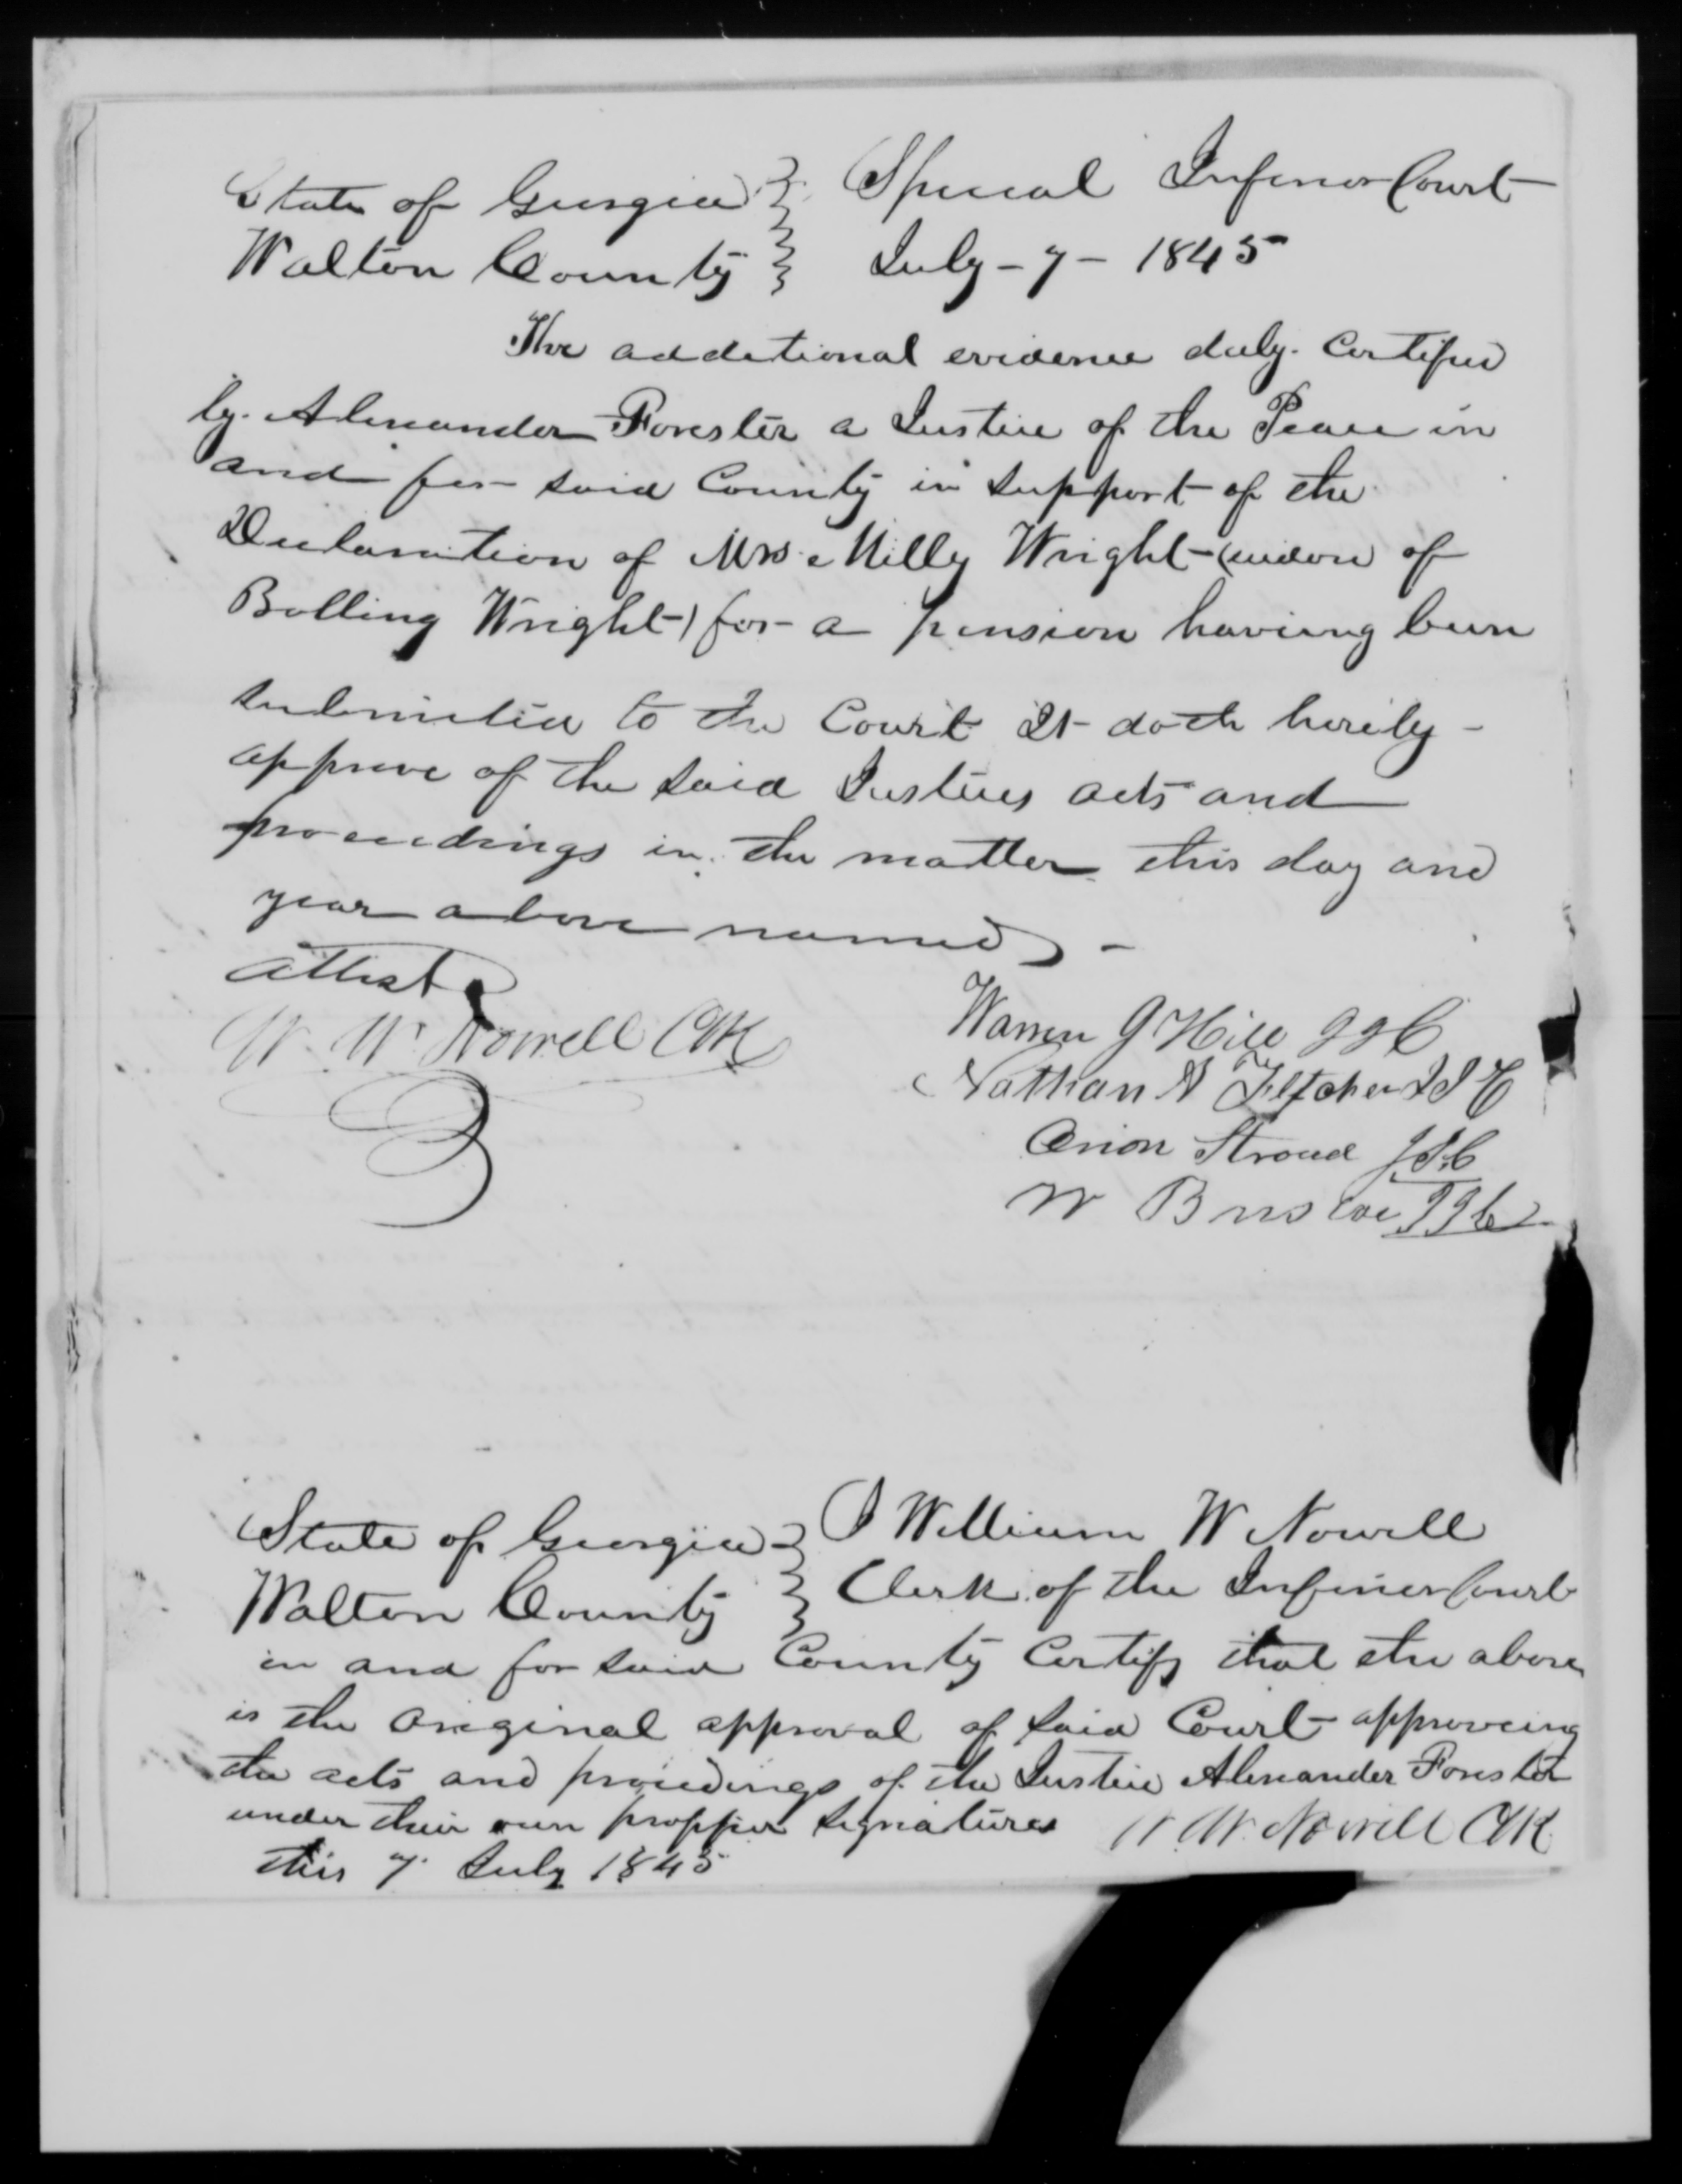State of Georgia
Walton County
Special Inferior Court
July - 7 - 1845
The additional evidence duly. Certified by Alexander Forester a Justice of the Peace in and for said County in support of the Declaration of Mrs Milly Wright (widow of Bolling Wright) for a pension having been submitted to the Court it doeth hereby approve of the said Justices acts and proceedings  in the matter this day and year above named attest
W W Nowell Clk
Warren J Hill JJC
Nathan A Fetcher JJC
Orion Stroud JSC
W Briscoe JJC

State of Georgia 
Walton County
I William W Nowell Clerk of the Inferior Court in and for said County certify that the above is the original approval of said Court approving the acts and proceedings of the Justice Alexander Forester under their own propper signatures this 7 July 1843
W. W. Nowell CLK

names: Orion Stroud, Alexander Forester, W Briscoe, Warren J Hill, Bolling Wright, William W Nowell, Milly Wright, Nathan A Fetcher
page: 79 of 81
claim: widow's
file: W. 5183, Bolling Wright, Va.